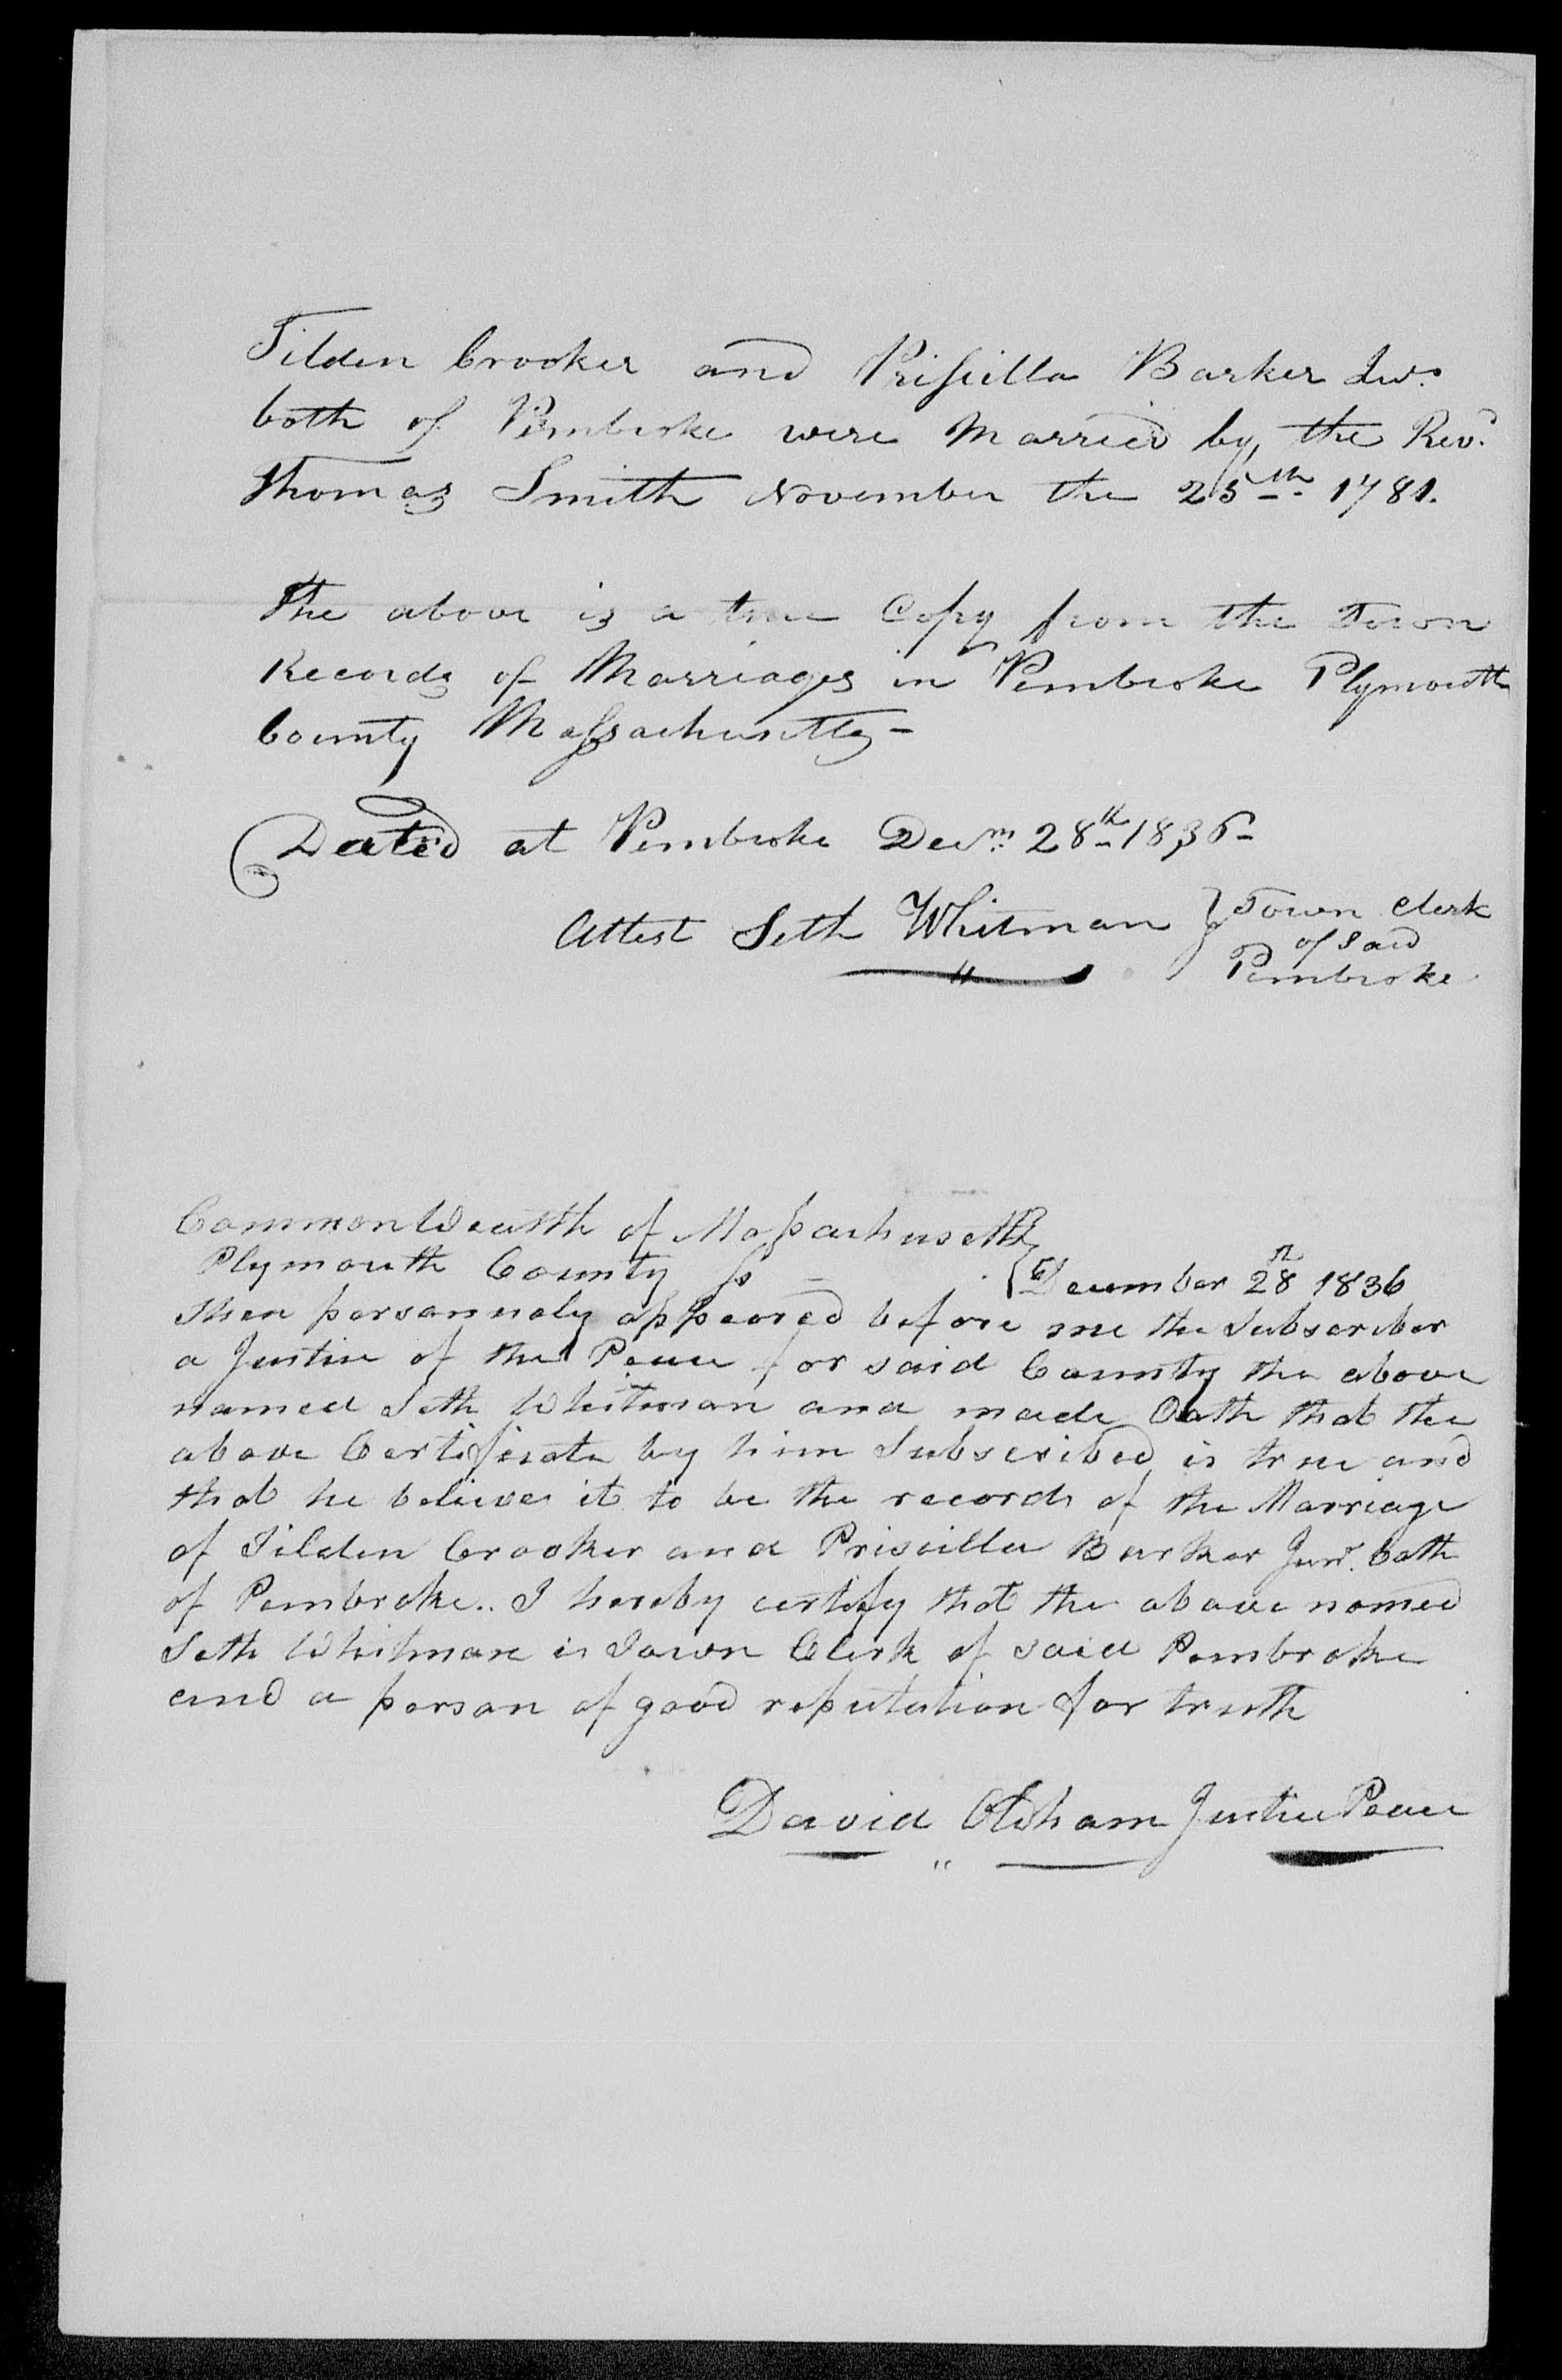Tilden Crooker and Priscilla Barker both of Pembroke were married by the Reverend Thomas Smith November the 25th 1780.

The above is a true copy from the Town Records of Marriages in Pembroke Plymouth County Massachusetts.

Dated at Pembroke Dec. 28th 1836


Attest. Seth Whitman
Town Clerk of said Pembroke


Commonwealth of Massachusetts
Plymouth County 

December 28th, 1836

Then personally appeared before me the Subscriber a Justice of the Peace for said County the above named Seth Whitman and made oath that the above certificate by him subscribed is true and that he believes it to be the records of the Marriage of Tilden Crooker and Priscilla Barker Both of Pembroke . I hereby certify that the above named Seth Whitman is Town Clerk of said Pembroke and a person of good reputation for truth.

David Oldham
Justice of the Peace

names: Seth Whitman, David Oldham, Priscilla Barker, Tilden Crooker, Thomas Smith, Tilden Crooker, Seth Whitman, Priscilla Burker, Seth Whitman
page: 11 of 33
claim: widow's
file: W. 22862, Tilden Crooker, Mass Navy